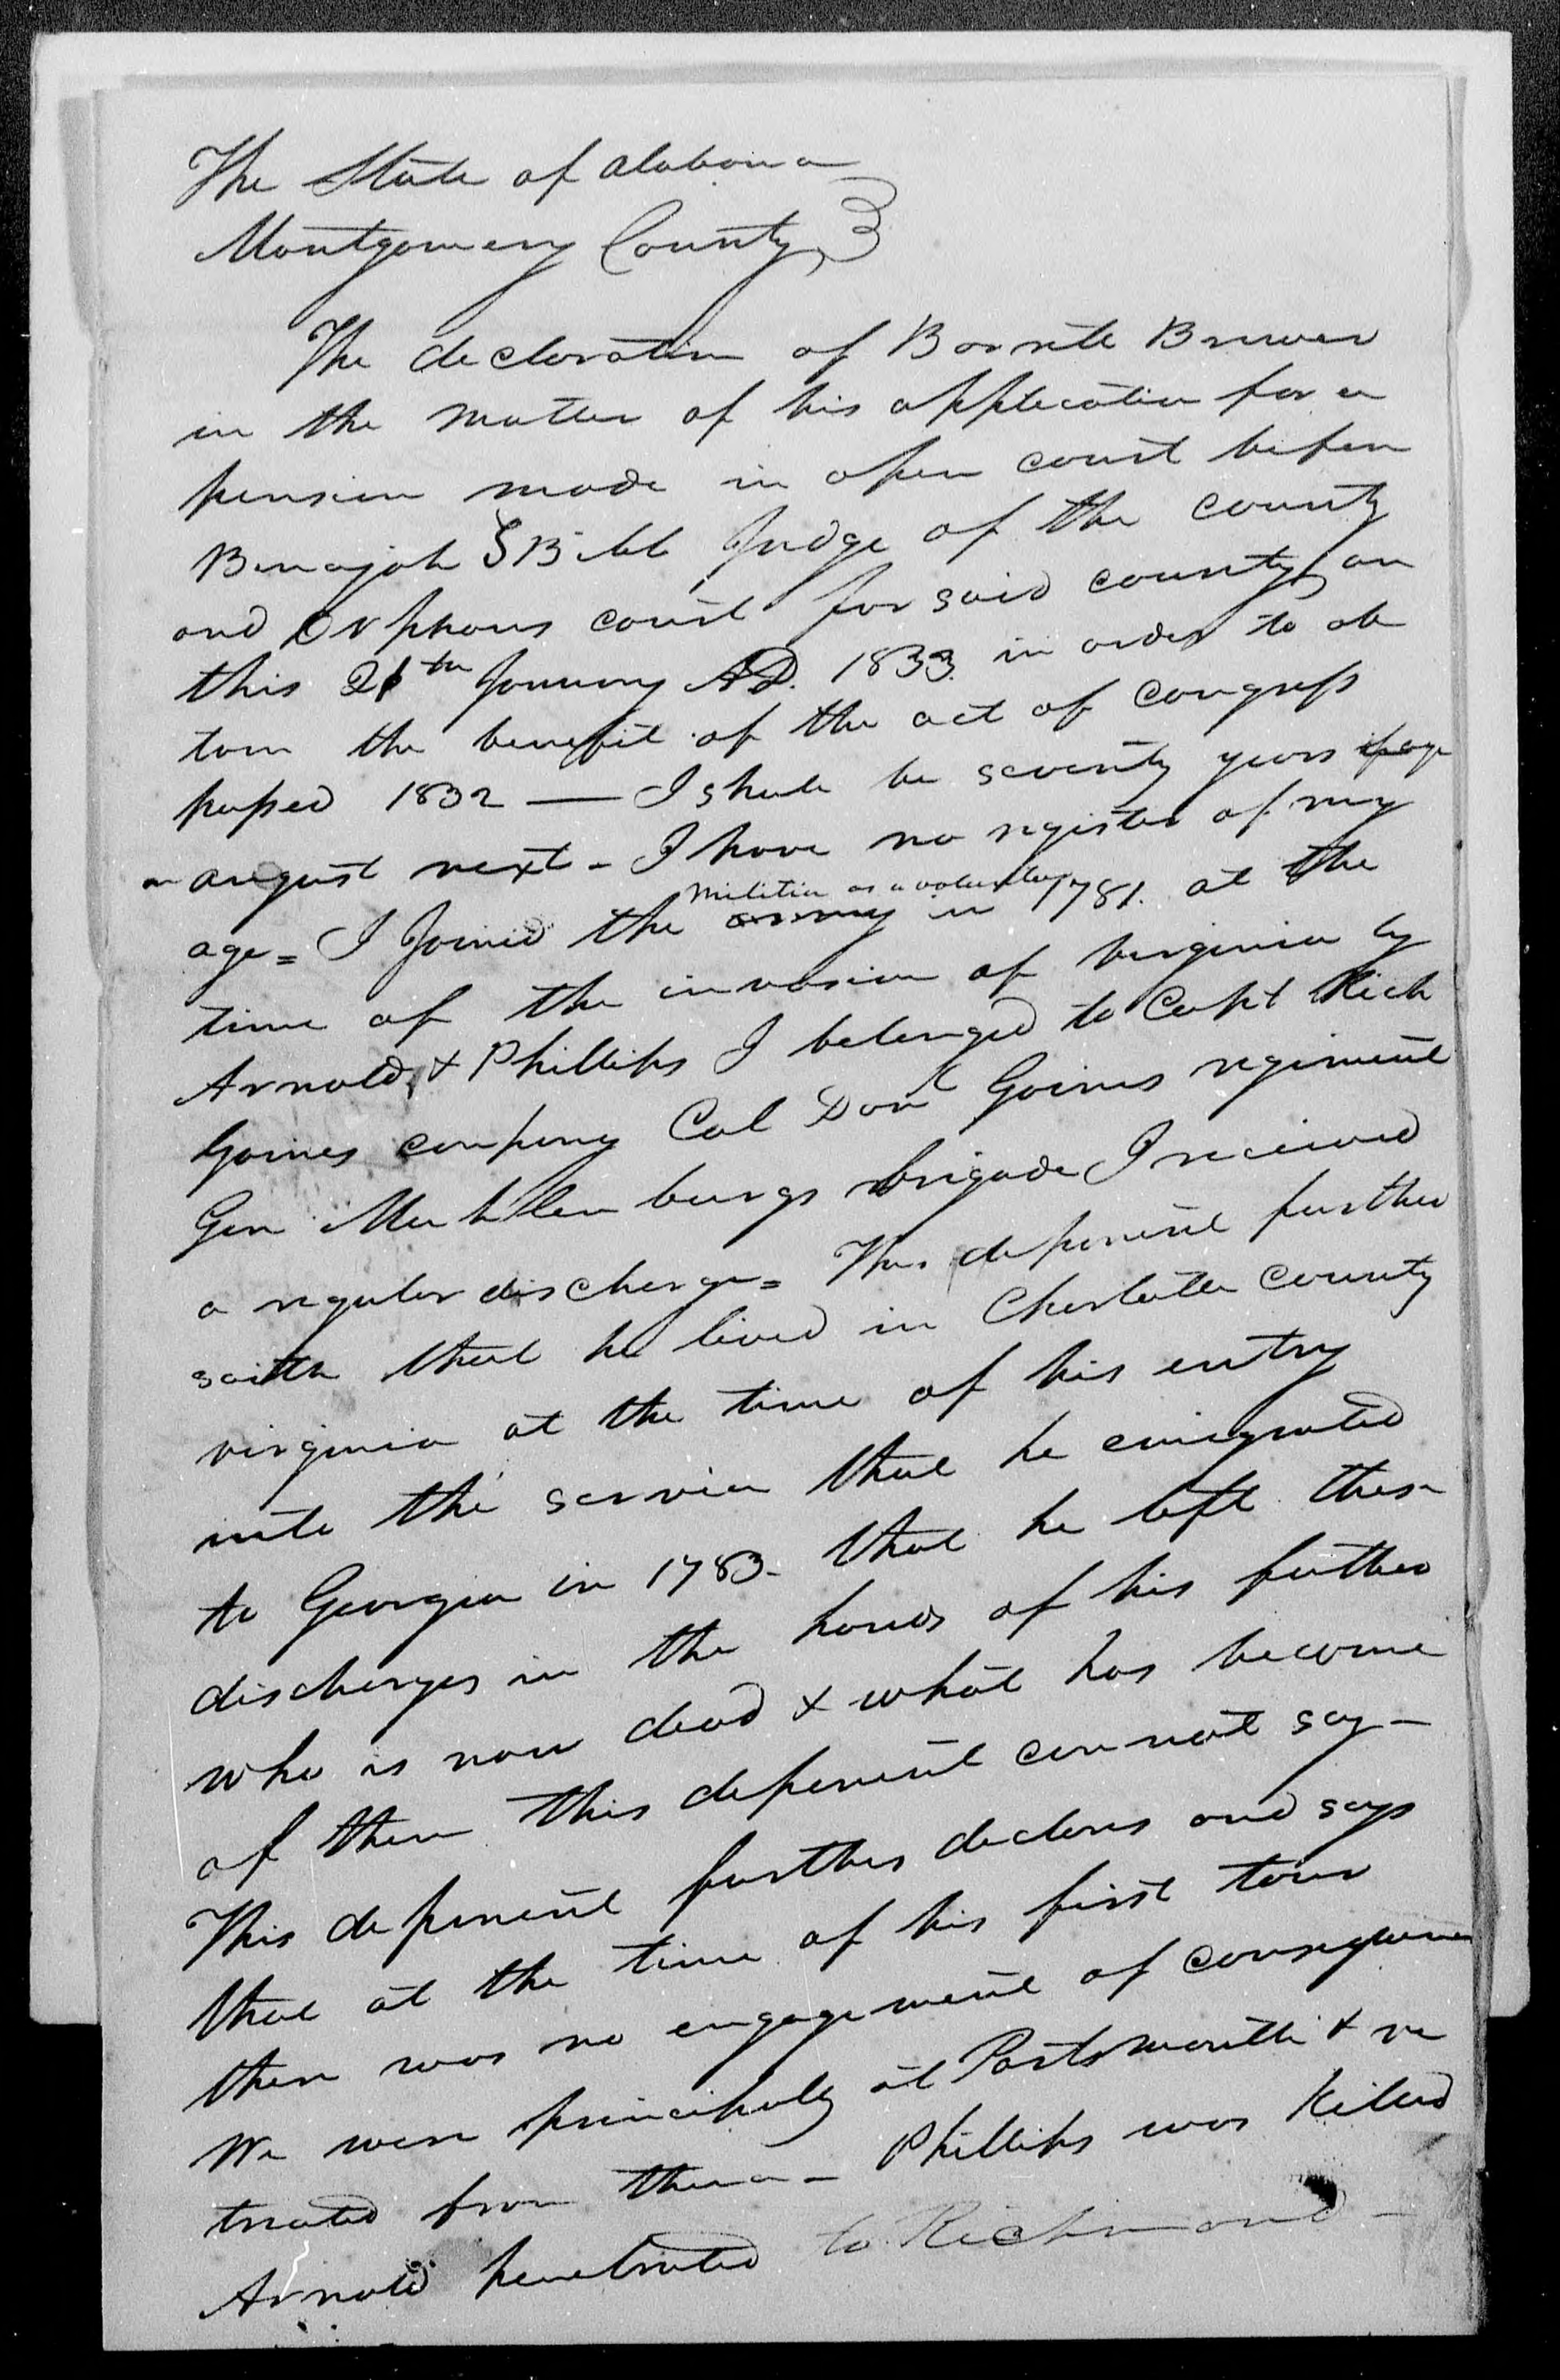The State of Alabama
Montgomery County

  The declaration of Barret Brewer
in the mater of his application for a
pension made in open court before
Benajah Bibb Judge of the county 
and orphans court for said county on
this 21th. January AD. 1833. in order to ob 
tain the benefit of the act of Congress passed 1832 - I shall be seventy years before
August next. I have no register of my age.
 I joined the [written above the sentence] military as a volunteer army in 1781 at the time of the invasion of Virginia by Arnold + Phillips I belonged to Capt. Rich
Jones Gaines company Col Donl Gaines regiment
Gen Muhllenburgs brigade  I received
a regular discharge.  The deponent further
states that he lives in Charoltte County
Virginia at the time of his entry 
into the service that he emigrated
to Georgia in 1783. that he left this
discharges in the house of his father
who is now dead & what has become
of them this deponent cannot say - 
This deponent further declares and says
that at the time of his first tour 
then was in engagement of  [illegible]
We were [illegibly] at Portsmouth & re
treated from there - Phillips was killed
Arnold retreated to Richmond.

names: Arnold, Barrett Brewer, Richmond, Phillips, Phillips, Arnold, Benajah S Bibb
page: 3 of 49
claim: survivor's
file: S. 32,131, Barrett Brewer, Va.